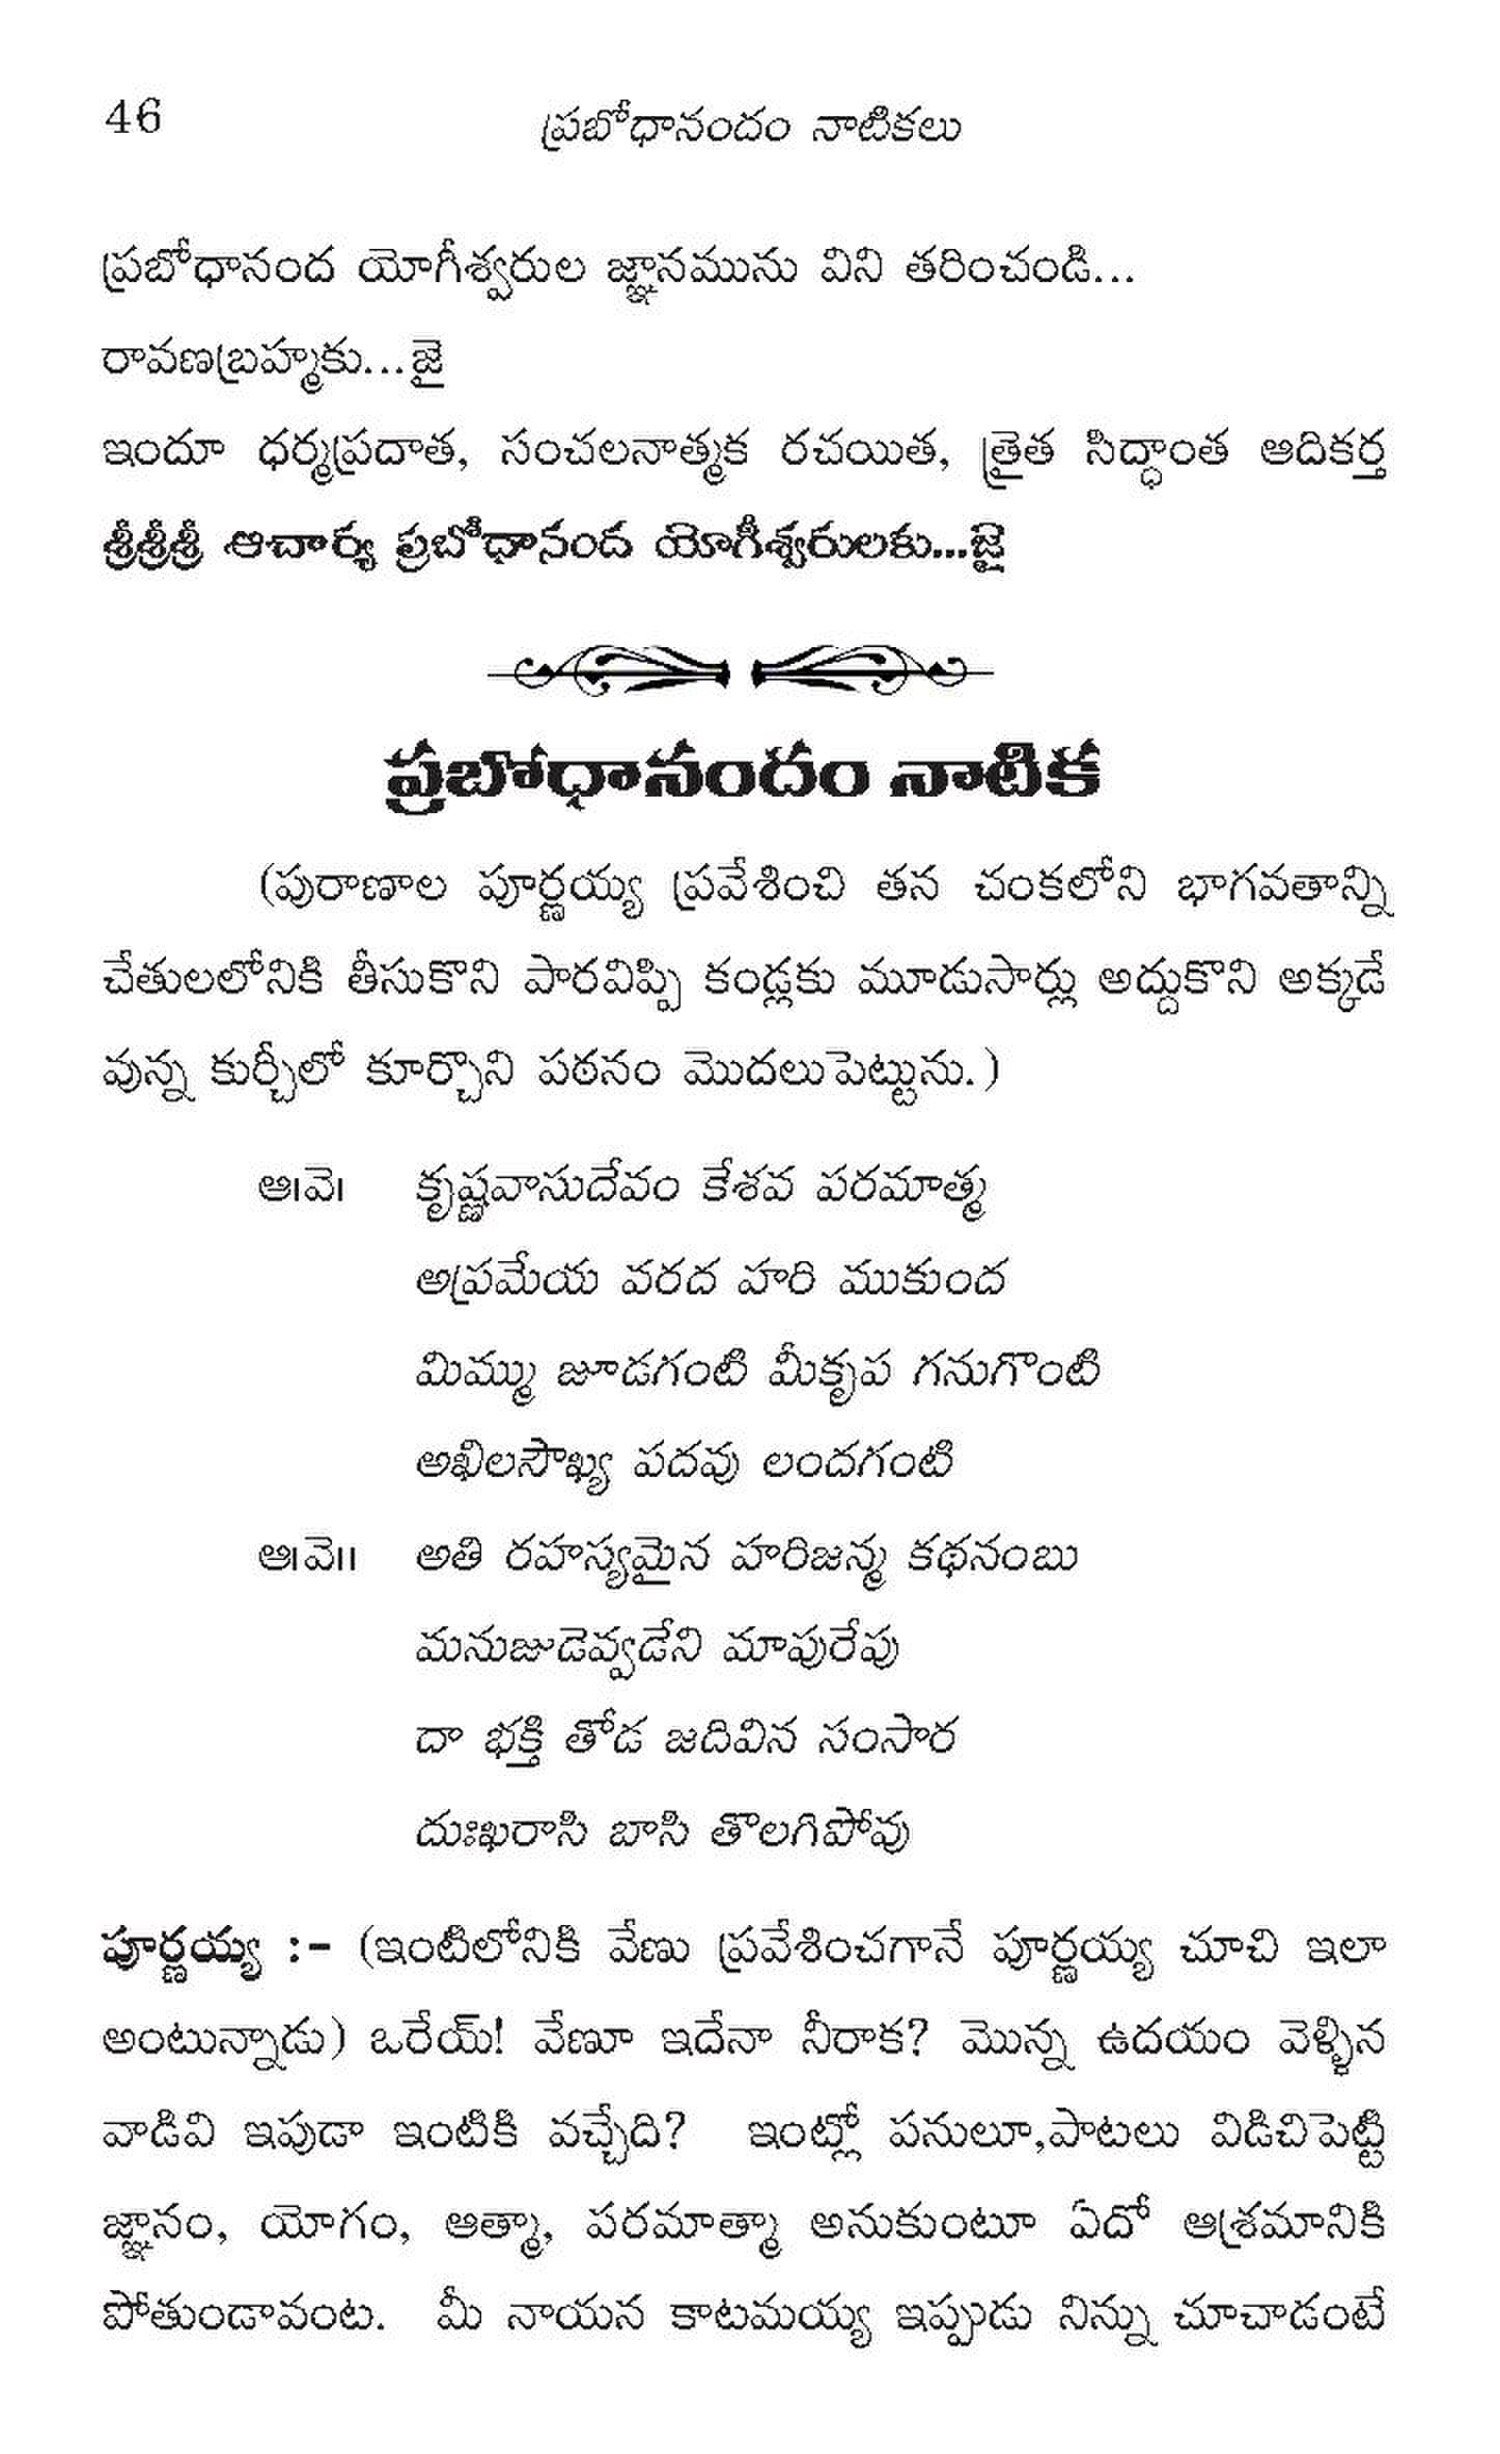ప్రబోధానంద యోగీశ్వరుల జ్ఞానమును విని తరించండి...

రావణబ్రహ్మకు...జై

అర్ధ శతాధిక గ్రంథకర్త, ఇందూ ధర్మప్రదాత, సంచలనాత్మక రచయిత, త్రైత సిద్ధాంత ఆదికర్త 

శ్రీశ్రీశ్రీ ఆచార్య ప్రబోధానంద యోగీశ్వరులకు...జై

(పురాణాల పూర్ణయ్య ప్రవేశించి తన చంకలోని భాగవతాన్ని చేతులలోనికి తీసుకొని పారవిప్పి కండ్లకు మూడుసార్లు అద్దుకొని అక్కడే వున్న కుర్చీలో కూర్చొని పఠనం మొదలుపెట్టును.)

పూర్ణయ్య :- (ఇంటిలోనికి వేణు ప్రవేశించగానే పూర్ణయ్య చూచి ఇలా అంటున్నాడు) ఒరేయ్‌! వేణూ ఇదేనా నీరాక? మొన్న ఉదయం వెళ్ళిన వాడివి ఇపుడా ఇంటికి వచ్చేది? ఇంట్లో పనులూ,పాటలు విడిచిపెట్టి జ్ఞానం, యోగం, ఆత్మా, పరమాత్మా అనుకుంటూ ఏదో ఆశ్రమానికి పోతుండావంట. మీ నాయన కాటమయ్య ఇప్పుడు నిన్ను చూచాడంటే